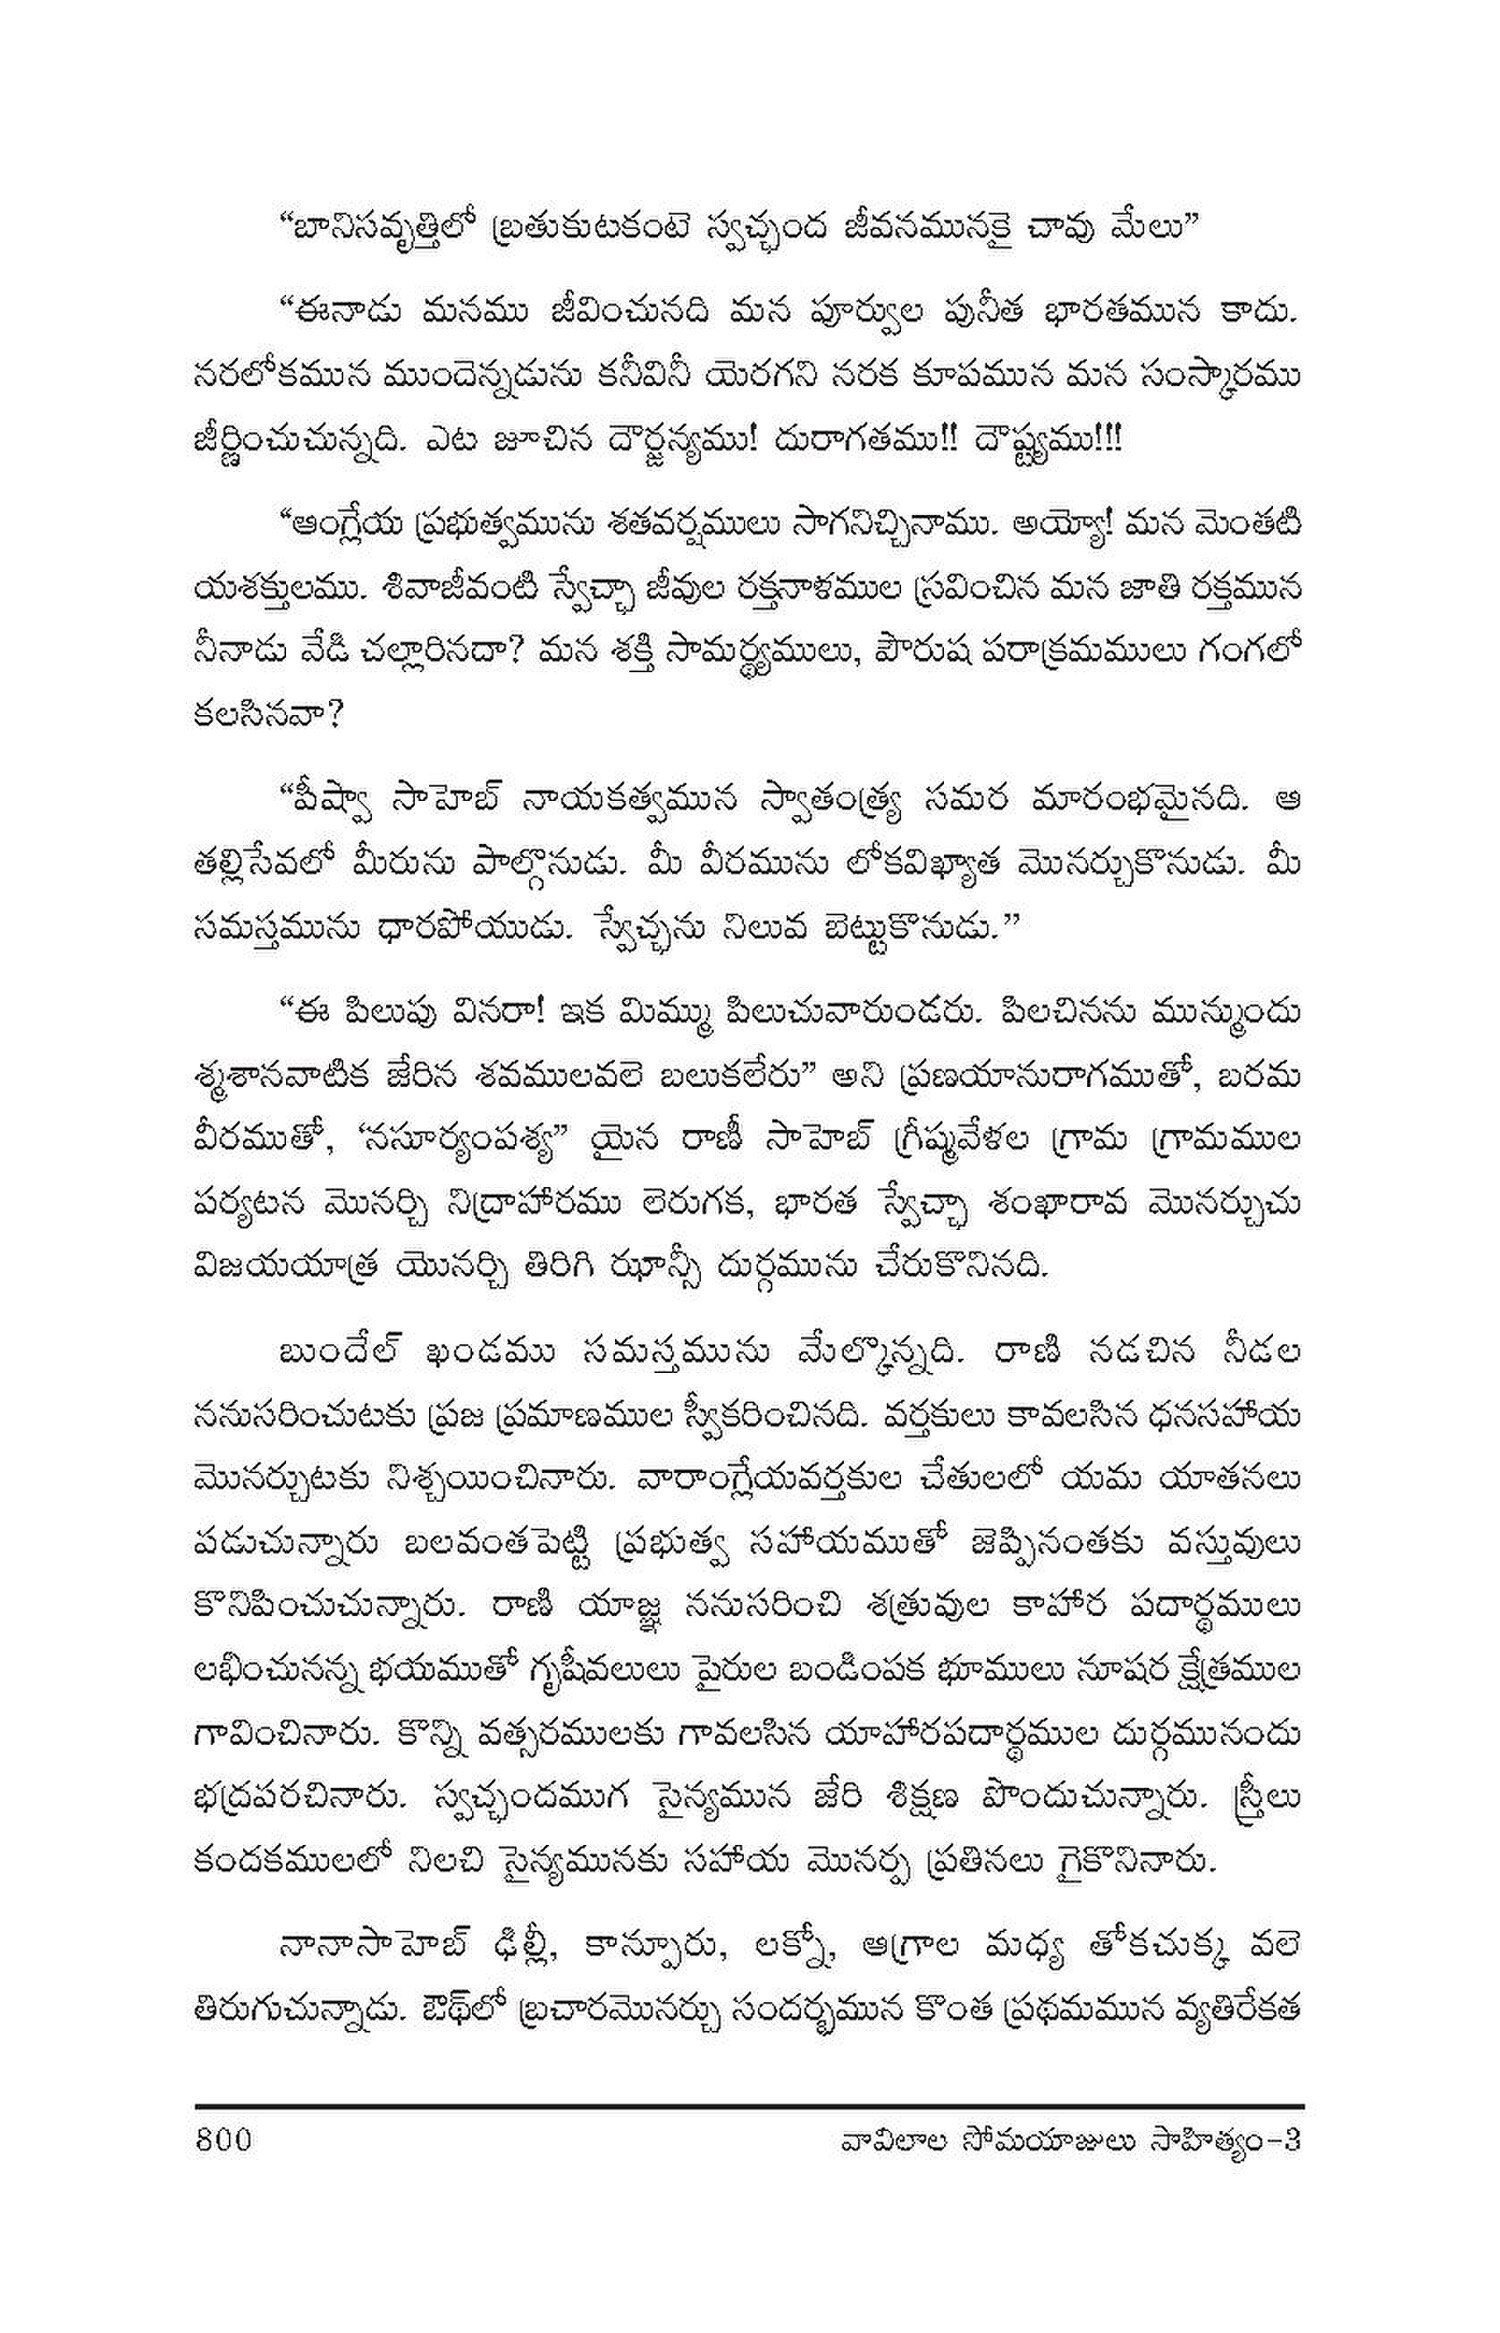“బానిసవృత్తిలో బ్రతుకుటకంటె స్వచ్ఛంద జీవనమునకై చావు మేలు”

“ఈనాడు మనము జీవించునది మన పూర్వుల పునీత భారతమున కాదు. నరలోకమున ముందెన్నడును కనీవినీ యెరగని నరక కూపమున మన సంస్కారము జీర్ణించుచున్నది. ఎట జూచిన దౌర్జన్యము! దురాగతము!! దౌష్ట్యము!!!

"ఆంగ్లేయ ప్రభుత్వమును శతవర్షములు సాగనిచ్చినాము. అయ్యో! మన మెంతటి యశక్తులము. శివాజీవంటి స్వేచ్ఛా జీవుల రక్తనాళముల స్రవించిన మన జాతి రక్తమున నీనాడు వేడి చల్లారినదా? మన శక్తి సామర్థ్యములు, పౌరుష పరాక్రమములు గంగలో కలసినవా?

“పీష్వా సాహెబ్ నాయకత్వమున స్వాతంత్ర్య సమర మారంభమైనది. ఆ తల్లిసేవలో మీరును పాల్గొనుడు. మీ వీరమును లోకవిఖ్యాత మొనర్చుకొనుడు. మీ సమస్తమును ధారపోయుడు. స్వేచ్ఛను నిలువ బెట్టుకొనుడు.”

“ఈ పిలుపు వినరా! ఇక మిమ్ము పిలుచువారుండరు. పిలచినను మున్ముందు శ్మశానవాటిక జేరిన శవములవలె బలుకలేరు” అని ప్రణయానురాగముతో, బరమ వీరముతో, 'నసూర్యంపశ్య" యైన రాణీ సాహెబ్ గ్రీష్మవేళల గ్రామ గ్రామముల పర్యటన మొనర్చి నిద్రాహారము లెరుగక, భారత స్వేచ్ఛా శంఖారావ మొనర్చుచు విజయయాత్ర యొనర్చి తిరిగి ఝాన్సీ దుర్గమును చేరుకొనినది.

బుందేల్ ఖండము సమస్తమును మేల్కొన్నది. రాణి నడచిన నీడల ననుసరించుటకు ప్రజ ప్రమాణముల స్వీకరించినది. వర్తకులు కావలసిన ధనసహాయ మొనర్చుటకు నిశ్చయించినారు. వారాంగ్లేయవర్తకుల చేతులలో యమ యాతనలు పడుచున్నారు బలవంతపెట్టి ప్రభుత్వ సహాయముతో జెప్పినంతకు వస్తువులు కొనిపించుచున్నారు. రాణి యాజ్ఞ ననుసరించి శత్రువులు కాహార పదార్థములు లభించునన్న భయముతో గృషీవలులు పైరుల బండింపక భూములు నూషర క్షేత్రముల గావించినారు. కొన్ని వత్సరములకు గావలసిన యాహారపదార్ధముల దుర్గమునందు భద్రపరచినారు. స్వచ్ఛందముగ సైన్యమున జేరి శిక్షణ పొందుచున్నారు. స్త్రీలు కందకములలో నిలచి సైన్యమునకు సహాయ మొనర్ప ప్రతినలు గైకొనినారు.

నానాసాహెబ్ ఢిల్లీ, కాన్పూరు, లక్నో, ఆగ్రాల మధ్య తోకచుక్క వలె
తిరుగుచున్నాడు. ఔద్లో బ్రచారమొనర్చు సందర్భమున కొంత ప్రథమమున వ్యతిరేకత